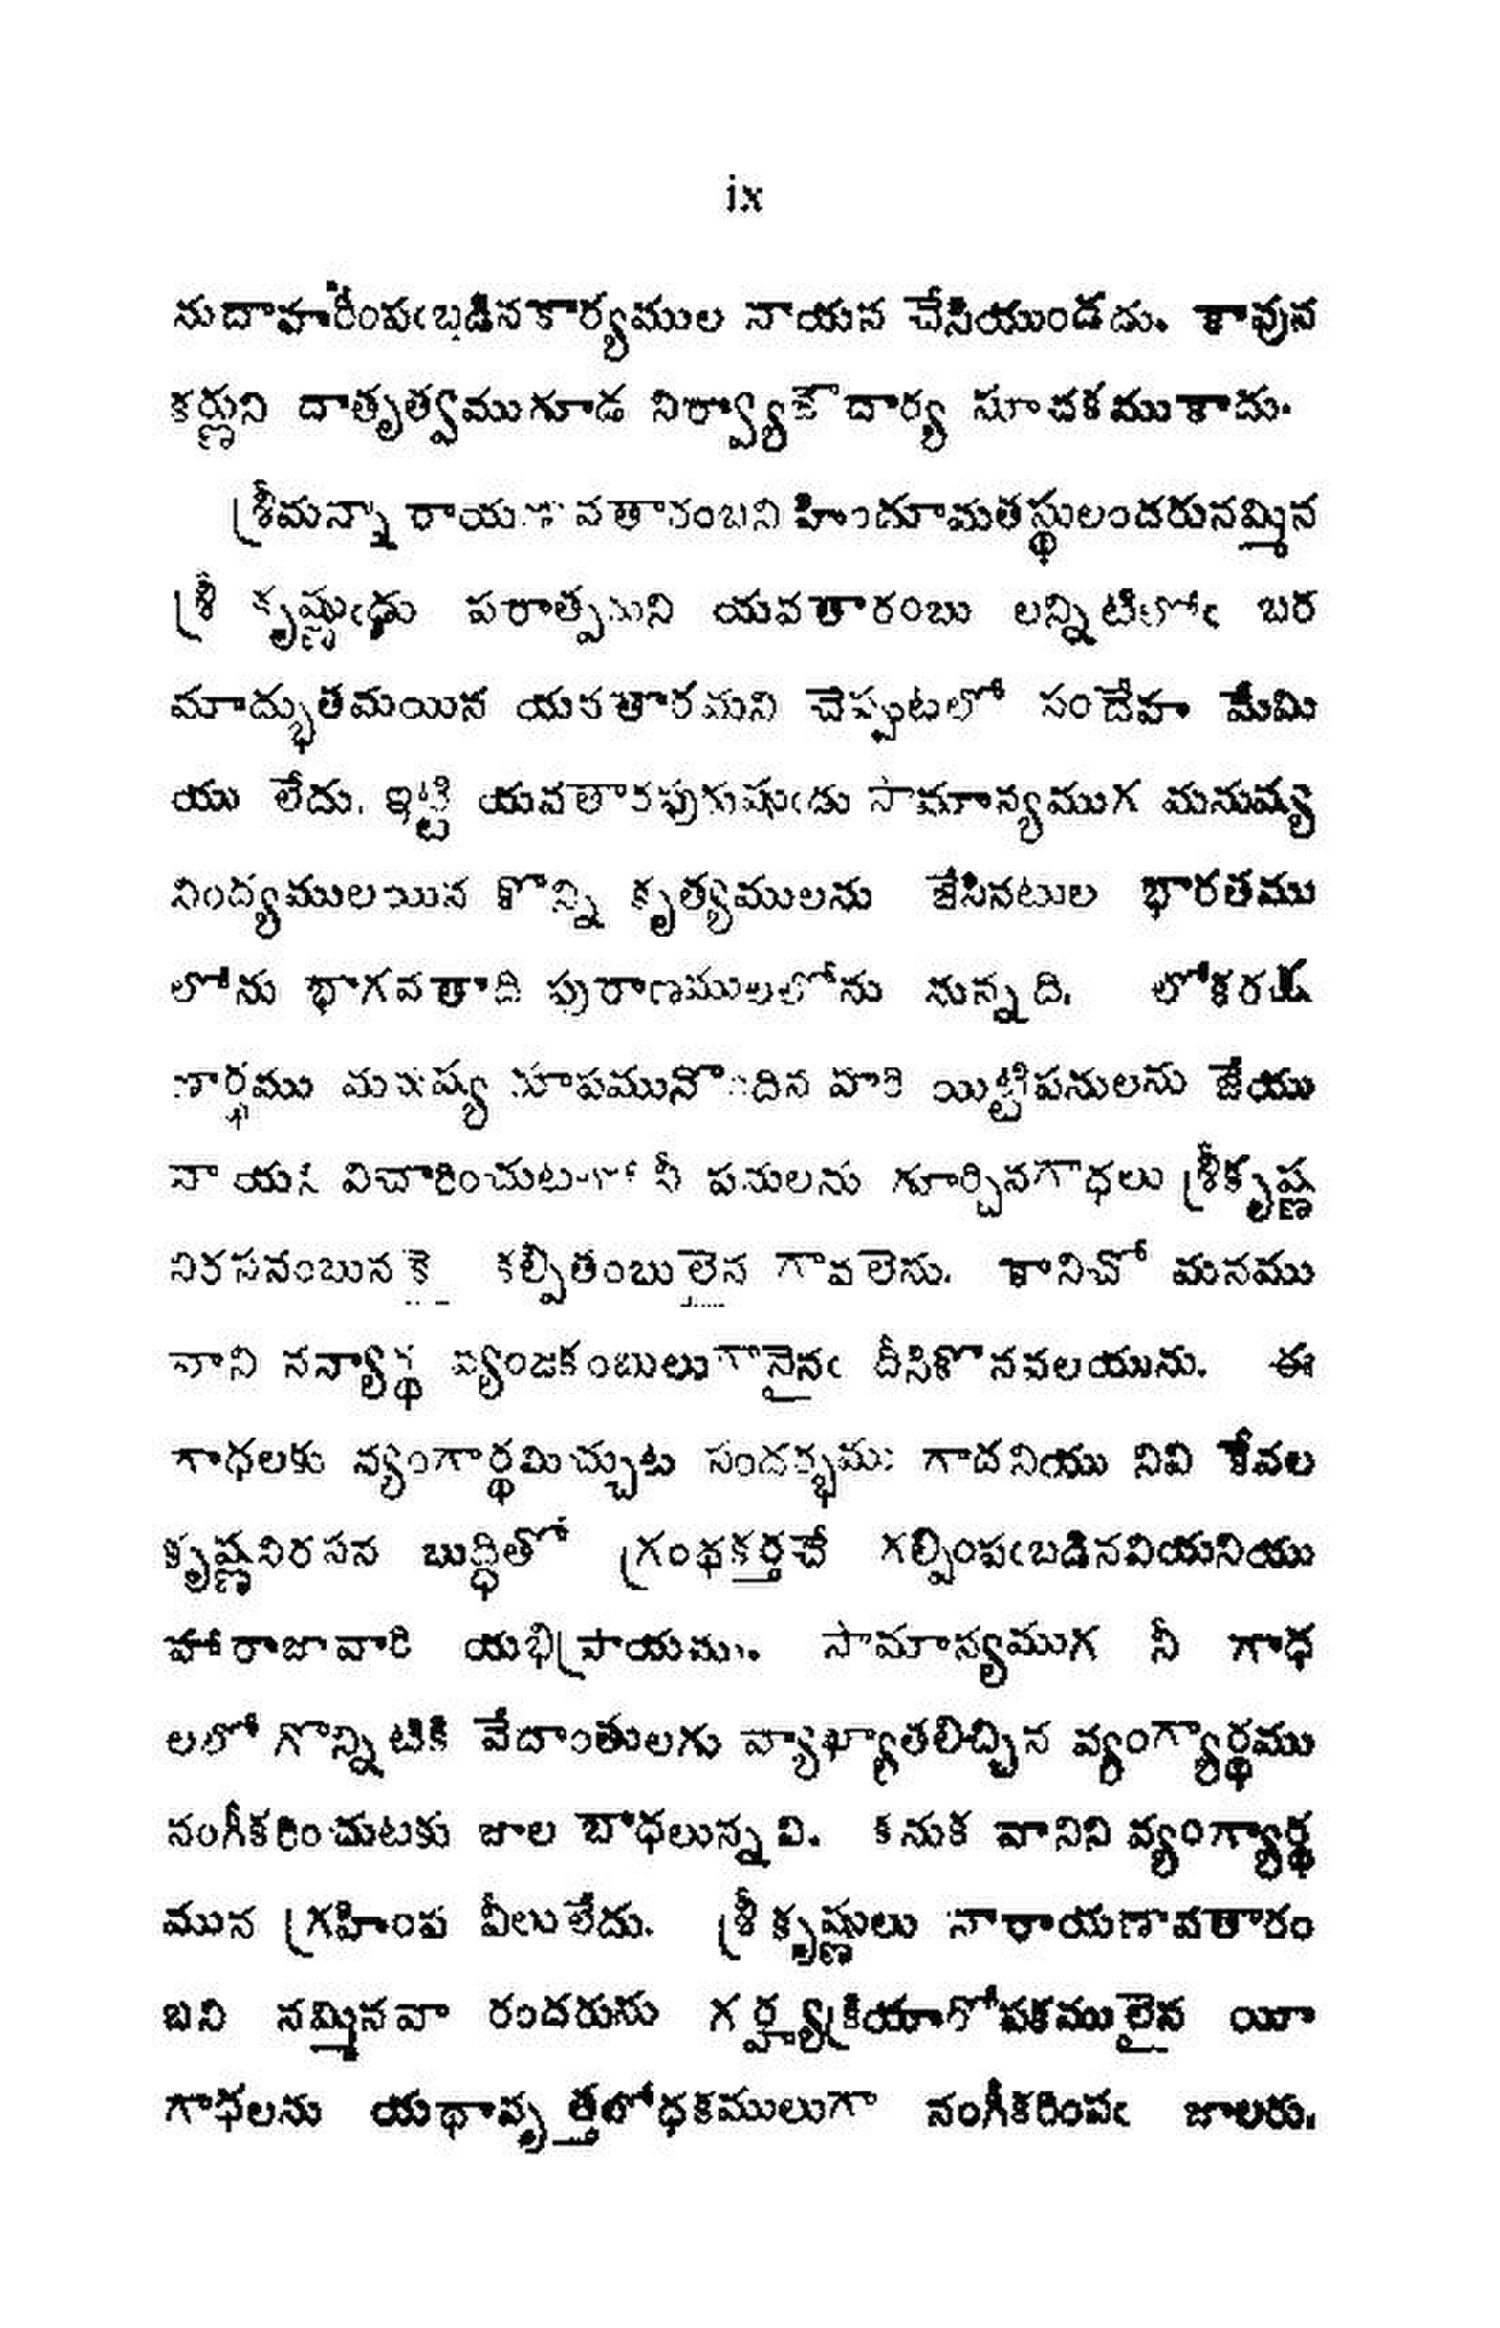నుదాహరింపఁబడినకార్యముల నాయన చేసియుండడు. కావున కర్ణుని దాతృత్వముగూడ నిర్వ్యాజౌదార్య సూచకముకాదు.

శ్రీమన్నారాయణావతారంబని హిందూమతస్థులందరునమ్మిన శ్రీ కృష్ణుడు పరాత్పరుని యవతారంబు లన్నిటిలోఁ బరమాద్భుతమయిన యవతారమని చెప్పుటలో సందేహ మేమియు లేదు. ఇట్టి యవతారపురుషుఁడు సామాన్యముగ మనుష్య నింద్యములయిన కొన్ని కృత్యములను జేసినటుల భారతములోను భాగవతాది పురాణములలోను నున్నది. లోకరక్షణార్థము మనుష్య రూపమునొందిన హరి యిట్టిపనులను జేయునా యని విచారించుటలోనీ పనులను గూర్చినగాధలు శ్రీకృష్ణ
నిరసనంబునకై. కల్పితంబులైన గావలెను. కానిచో మనము వాని నన్యార్థ వ్యంజకంబులుగానైనఁ దీసికొనవలయును. ఈ గాధలకు వ్యంగార్థమిచ్చుట సందర్భము గాదనియు నివి కేవల కృష్ణనిరసన బుద్ధితో గ్రంథకర్తచే గల్పింపఁబడినవియనియు మహారాజావారి యభిప్రాయము. సామాన్యముగ నీ గాధలలో గొన్నిటికి వేదాంతులగు వ్యాఖ్యాతలిచ్చిన వ్యంగ్యార్థము నంగీకరించుటకు జాల బాధలున్నవి. కనుక వానిని వ్యంగ్యార్థమున గ్రహింప వీలులేదు. శ్రీ కృష్ణులు నారాయణావతారంబని నమ్మినవా రందరును గర్హ్యక్రియారోపకములైన యీ గాధలను యథావృత్తబోధకములుగా నంగీకరింపఁ జాలరు.